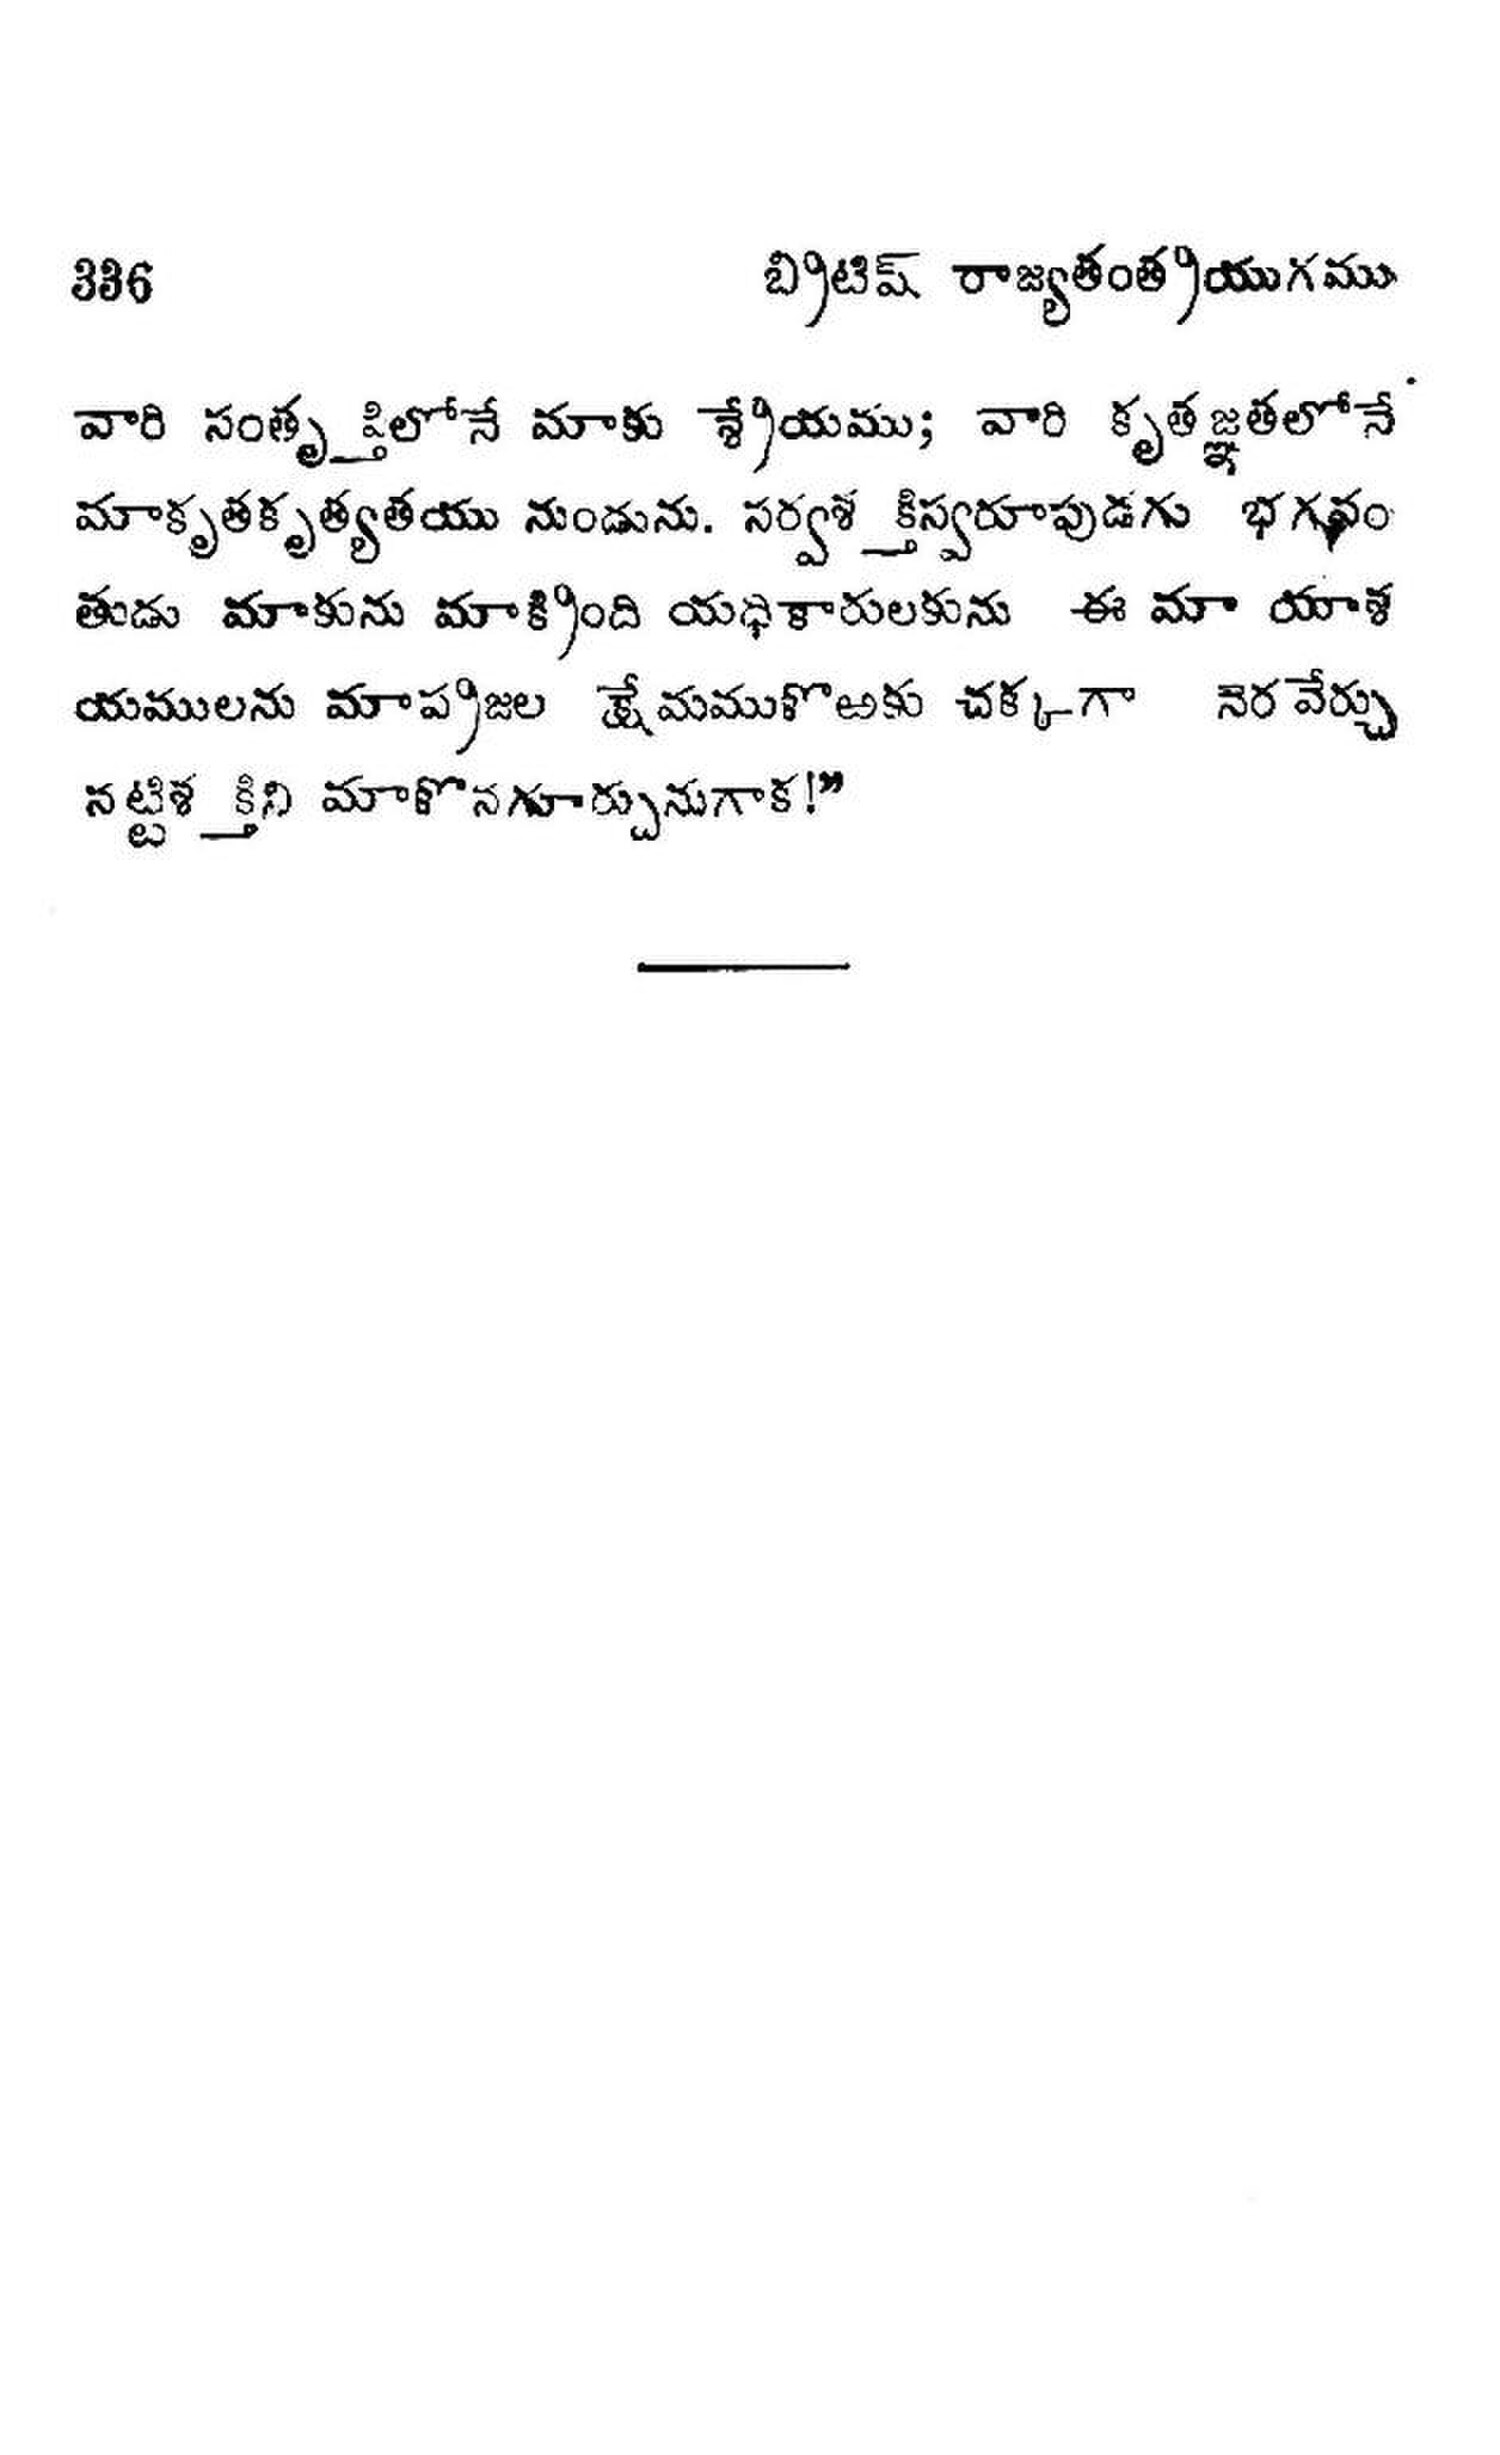వారి సంతృప్తిలోనే మాకు శ్రేయము; వారి కృతజ్ఞతలోనే మాకృతకృత్యతయు నుండును. సర్వశక్తిస్వరూపుడగు భగవంతుడు మాకును మాక్రింది యధికారులకును ఈ మా యాశయములను మాప్రజల క్షేమముకొఱకు చక్కగా నెరవేర్చునట్టిశక్తిని మాకొనగూర్పునుగాక !"